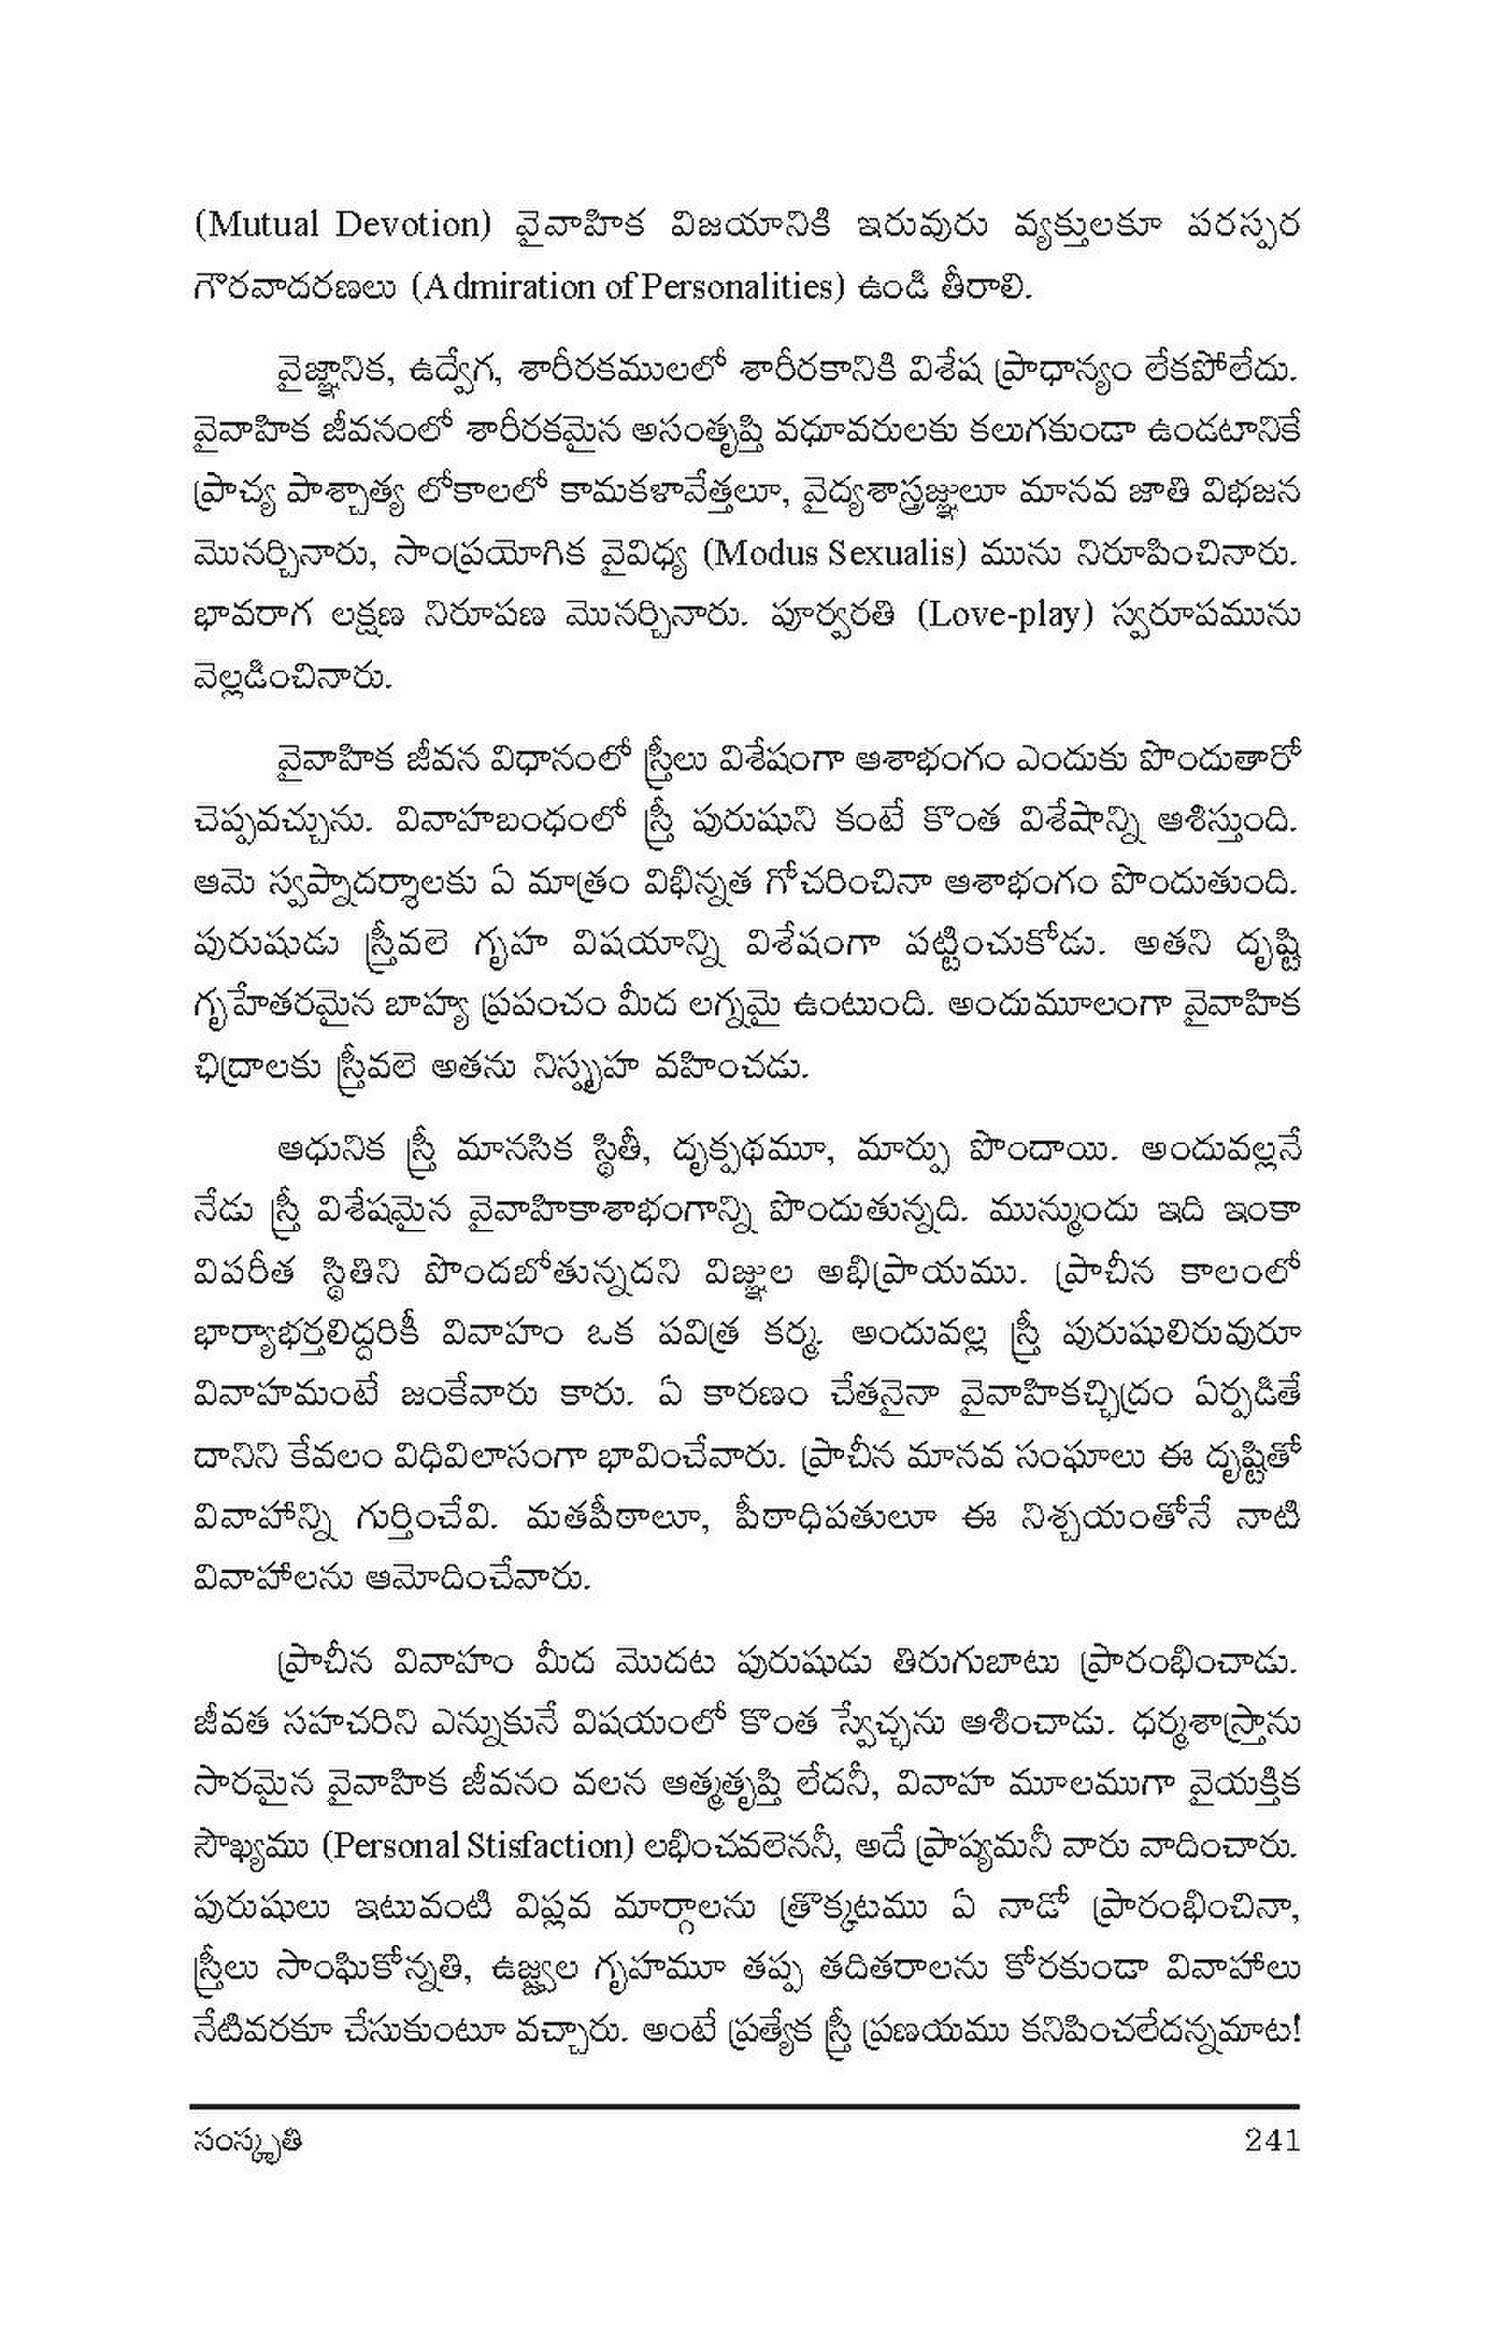(Mutual Devotion) వైవాహిక విజయానికి ఇరువురు వ్యక్తులకూ పరస్పర
గౌరవాదరణలు (Admiration of Personalities) ఉండి తీరాలి.

వైజ్ఞానిక, ఉద్వేగ, శారీరకములలో శారీరకానికి విశేష ప్రాధాన్యం లేకపోలేదు.
వైవాహిక జీవనంలో శారీరకమైన అసంతృప్తి వధూవరులకు కలుగకుండా ఉండటానికే
ప్రాచ్య పాశ్చాత్య లోకాలలో కామకళావేత్తలూ, వైద్యశాస్త్రజ్ఞులూ మానవ జాతి విభజన
మొనర్చినారు, సాంప్రయోగిక వైవిధ్య(Modus Sexualis)మును నిరూపించినారు.
భావరాగ లక్షణ నిరూపణ మొనర్చినారు. పూర్వరతి (Love-play) స్వరూపమును
వెల్లడించినారు.

వైవాహిక జీవన విధానంలో స్త్రీలు విశేషంగా ఆశాభంగం ఎందుకు పొందుతారో
చెప్పవచ్చును. వివాహబంధంలో స్త్రీ పురుషుని కంటే కొంత విశేషాన్ని ఆశిస్తుంది.
ఆమె స్వప్నాదర్శాలకు ఏ మాత్రం విభిన్నత గోచరించినా ఆశాభంగం పొందుతుంది.
పురుషుడు స్త్రీవలె గృహ విషయాన్ని విశేషంగా పట్టించుకోడు. అతని దృష్టి
గృహేతరమైన బాహ్య ప్రపంచం మీద లగ్నమై ఉంటుంది. అందుమూలంగా వైవాహిక
ఛిద్రాలకు స్త్రీవలె అతను నిస్పృహ వహించడు.

ఆధునిక స్త్రీ మానసిక స్థితీ, దృక్పథమూ, మార్పు పొందాయి. అందువల్లనే
నేడు స్త్రీ విశేషమైన వైవాహికాశాభంగాన్ని పొందుతున్నది. మున్ముందు ఇది ఇంకా
విపరీత స్థితిని పొందబోతున్నదని విజ్ఞుల అభిప్రాయము. ప్రాచీన కాలంలో
భార్యాభర్తలిద్దరికీ వివాహం ఒక పవిత్ర కర్మ. అందువల్ల స్త్రీ పురుషులిరువురూ
వివాహమంటే జంకేవారు కారు. ఏ కారణం చేతనైనా వైవాహికచ్ఛిద్రం ఏర్పడితే
దానిని కేవలం విధివిలాసంగా భావించేవారు. ప్రాచీన మానవ సంఘాలు ఈ దృష్టితో
వివాహాన్ని గుర్తించేవి. మతపీఠాలూ, పీఠాధిపతులూ ఈ నిశ్చయంతోనే నాటి
వివాహాలను ఆమోదించేవారు.

ప్రాచీన వివాహం మీద మొదట పురుషుడు తిరుగుబాటు ప్రారంభించాడు.
జీవత సహచరిని ఎన్నుకునే విషయంలో కొంత స్వేచ్ఛను ఆశించాడు. ధర్మశాస్త్రాను
సారమైన వైవాహిక జీవనం వలన ఆత్మతృప్తి లేదనీ, వివాహ మూలముగా వైయక్తిక
సౌఖ్యము (Personal Satisfaction) లభించవలెననీ, అదే ప్రాప్యమనీ వారు వాదించారు.
పురుషులు ఇటువంటి విప్లవ మార్గాలను త్రొక్కటము ఏ నాడో ప్రారంభించినా,
స్త్రీలు సాంఘికోన్నతి, ఉజ్జ్వల గృహమూ తప్ప తదితరాలను కోరకుండా వివాహాలు
నేటివరకూ చేసుకుంటూ వచ్చారు. అంటే ప్రత్యేక స్త్రీ ప్రణయము కనిపించలేదన్నమాట!